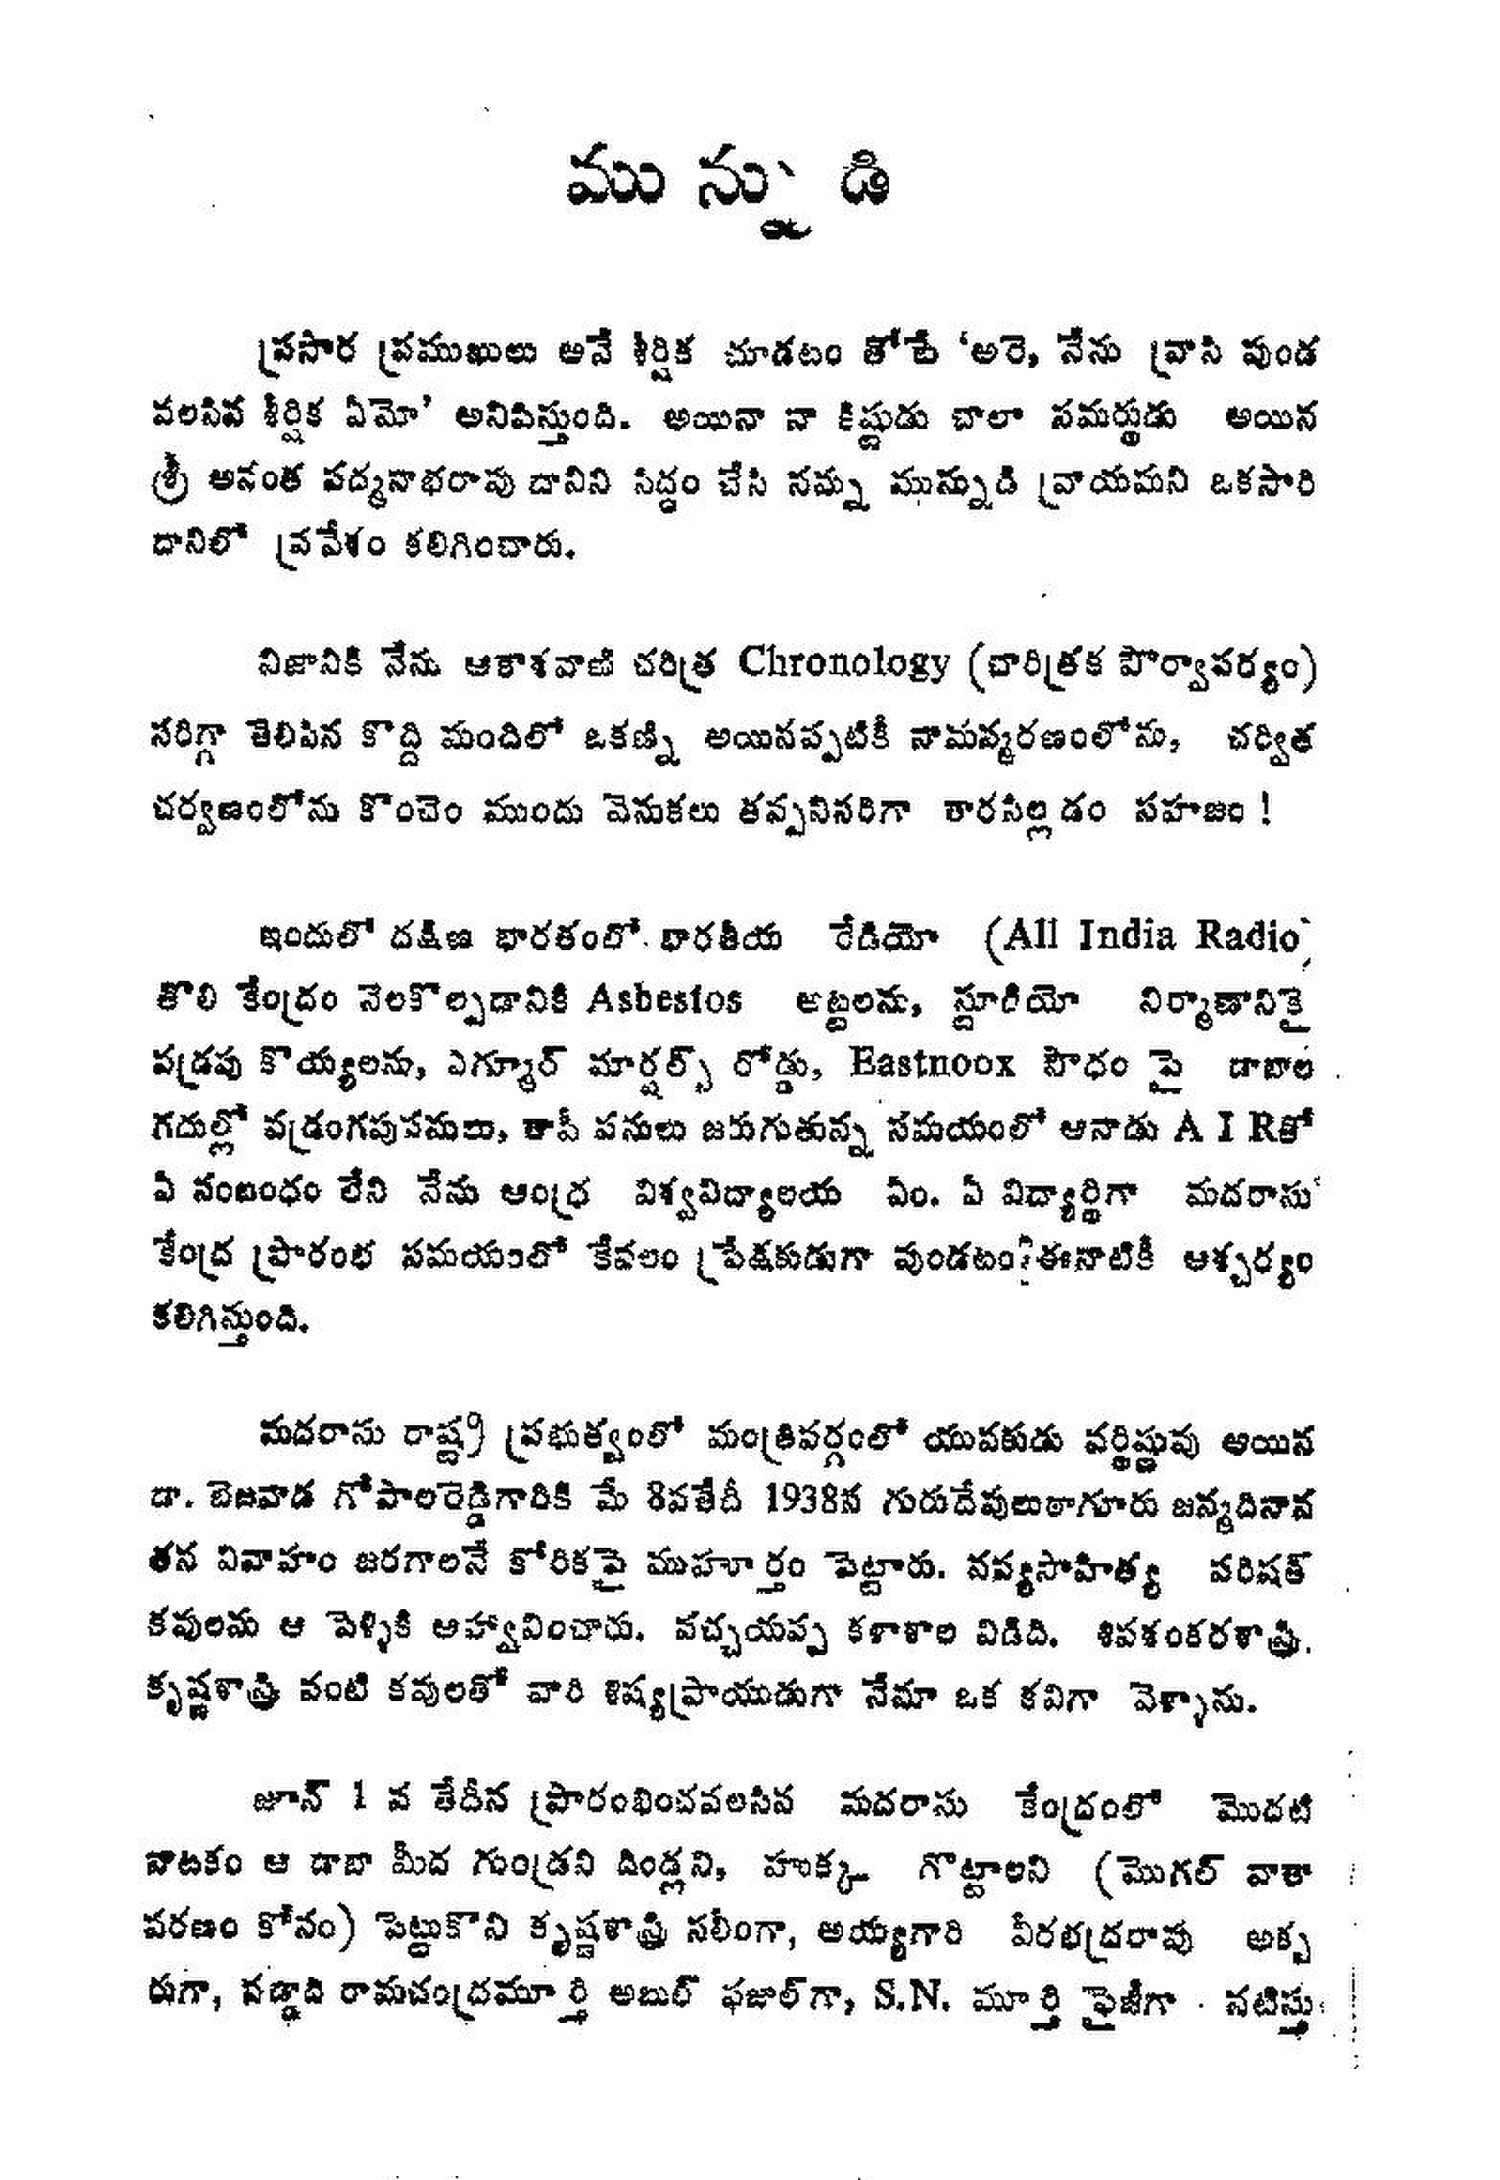ప్రసార ప్రముఖులు అనే శీర్షిక చూడటం తోటే 'అరె, నేను వ్రాసి వుండవలసిన శీర్షిక ఏమో' అనిపిస్తుంది. అయినా నా కిష్టుడు చాలా సమర్థుడు అయిన శ్రీ అనంత పద్మనాభరావు దానిని సిద్దం చేసి నన్ను మున్నుడి వ్రాయమని ఒకసారి దానిలో ప్రవేశం కలిగించారు.

నిజానికి నేను ఆకాశవాణి చరిత్ర Chronology (చారిత్రక పౌర్వావర్యం) సరిగ్గా తెలిసిన కొద్ది మందిలో ఒకణ్ని అయినప్పటికీ నామస్మరణంలోను, చర్విత చర్వణంలోను కొంచెం ముందు వెనుకలు తప్పనిసరిగా తారసిల్లడం సహజం !

ఇందులో దక్షిణ భారతంలో భారతీయ రేడియో (All India Radio) తొలి కేంద్రం నెలకొల్పడానికి Asbestos అట్టలను, స్టూడియో నిర్మాణానికై వడ్రపు కొయ్యలను, ఎగ్మూర్ మార్షల్స్ రోడ్డు, Eastnoox సౌధం పై డాబాల గదుల్లో వడ్రంగపుపనులు, తాపీ పనులు జరుగుతున్న సమయంలో ఆనాడు A I R తో ఏ సంబంధం లేని నేను ఆంధ్ర విశ్వవిద్యాలయ ఎం. ఏ విద్యార్థిగా మదరాసు కేంద్ర ప్రారంభ సమయంలో కేవలం ప్రేక్షకుడుగా వుండటం ఈనాటికి ఆశ్చర్యం కలిగిస్తుంది.

మదరాసు రాష్ట్ర ప్రభుత్వంలో మంత్రివర్గంలో యువకుడు వర్థిష్ణువు అయిన డా. బెజవాడ గోపాలరెడ్డిగారికి మే 8 వ తేదీ 1938న గురుదేవులు ఠాగూరు జన్మదినాన తన వివాహం జరగాలనే కోరికపై ముహూర్తం పెట్టారు. నవ్యసాహిత్య పరిషత్ కవులను ఆ పెళ్ళికి ఆహ్వానించారు. పచ్చయప్ప కళాశాల విడిది. శివశంకరశాస్త్రి కృష్ణశాస్త్రి వంటి కవులతో వారి శిష్యప్రాయుడుగా నేనూ ఒక కవిగా వెళ్ళాను.

జూన్ 1 వ తేదీన ప్రారంభించవలసిన మదరాసు కేంద్రంలో మొదటి నాటకం ఆ డాబా మీద గుండ్రని దిండ్లని, హుక్క గొట్టాలని (మొగల్ వాతావరణం కోసం) పెట్టుకొని కృష్ణశాస్త్రి సలీంగా, అయ్యగారి వీరభద్రరావు అక్బరుగా, వడ్డాది రామచంద్రమూర్తి అబుల్ ఫజుల్‌గా, S. N. మూర్తి ఫైజీగా నటిస్తు